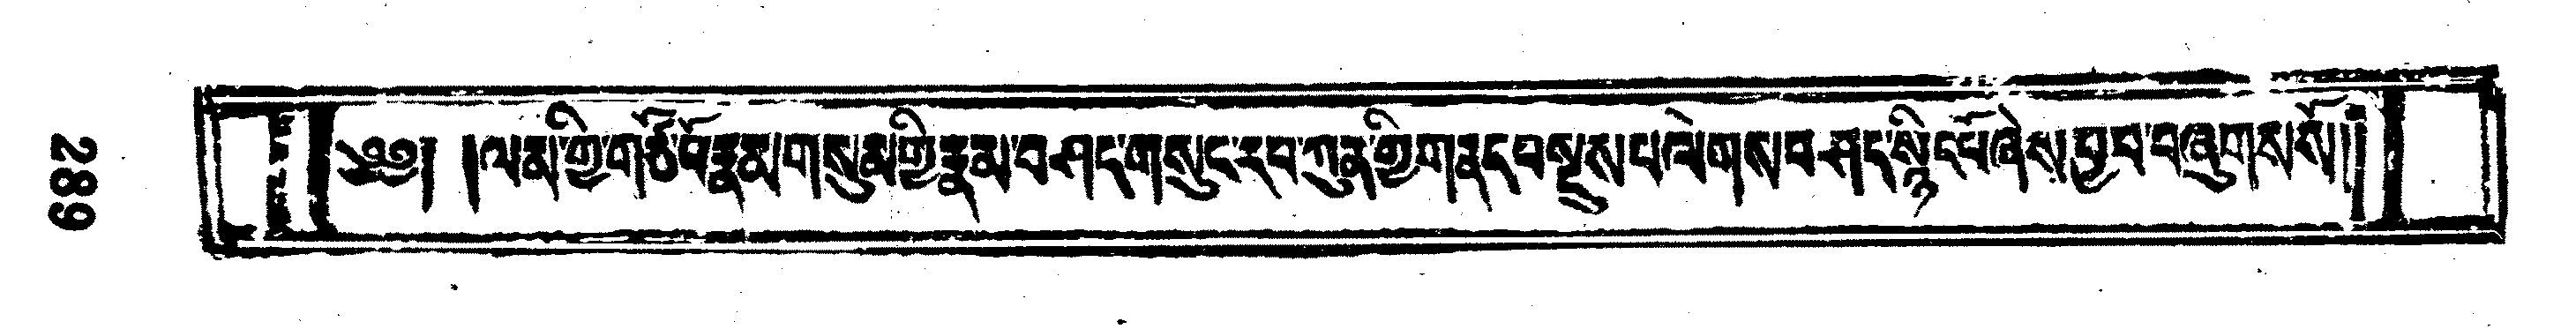༄༅། །ལམ་གྱི་གཙོ་བོ་རྣམ་གསུམ་གྱི་རྣམ་བཤད་གསུང་རབ་ཀུན་གྱི་གནད་བསྡུས་པ་ལེགས་བཤད་སྙིང་པོ་ཞེས་བྱ་བ་བཞུགས་སོ།།